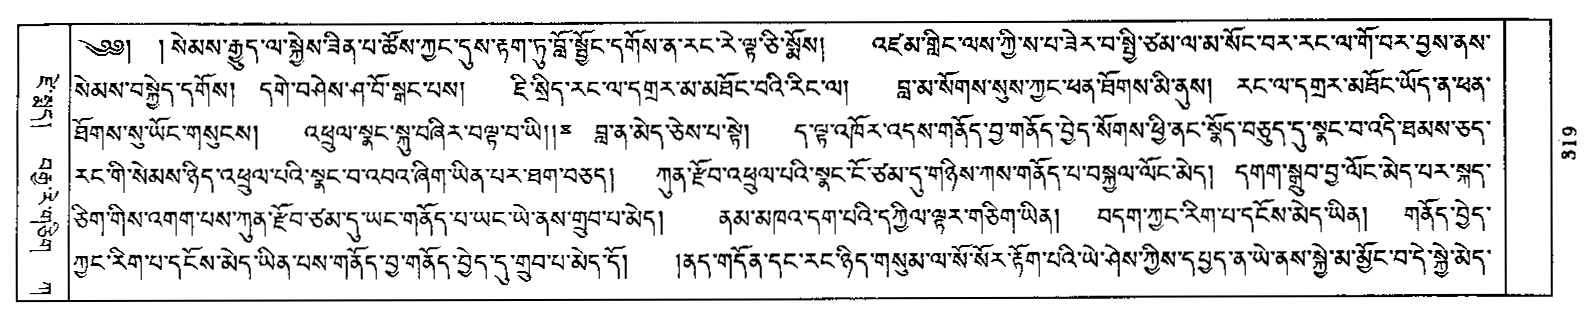༄༅། །སེམས་རྒྱུད་ལ་སྐྱེས་ཟིན་པ་ཚོས་ཀྱང་དུས་རྟག་ཏུ་བློ་སྦྱོང་དགོས་ན་རང་རེ་ལྟ་ཅི་སྨོས། འཛམ་གླིང་ལས་ཀྱི་ས་པ་ཟེར་བ་སྤྱི་ཙམ་ལ་མ་སོང་བར་རང་ལ་གོ་བར་བྱས་ནས་
སེམས་བསྐྱེད་དགོས། དགེ་བཤེས་ཤ་བོ་སྒང་པས། ཇི་སྲིད་རང་ལ་དགྲར་མ་མཐོང་བའི་རིང་ལ། བླ་མ་སོགས་སུས་ཀྱང་ཕན་ཐོགས་མི་ནུས། རང་ལ་དགྲར་མཐོང་ཡོད་ན་ཕན་
ཐོགས་སུ་ཡོང་གསུངས། འཕྲུལ་སྣང་སྐུ་བཞིར་བལྟ་བ་ཡི།། ྾་བླ་ན་མེད་ཅེས་པ་སྟེ། ད་ལྟ་འཁོར་འདས་གནོད་བྱ་གནོད་བྱེད་སོགས་ཕྱི་ནང་སྣོད་བཅུད་དུ་སྣང་བ་འདི་ཐམས་ཅད་
རང་གི་སེམས་ཉིད་འཕྲུལ་པའི་སྣང་བ་འབའ་ཞིག་ཡིན་པར་ཐག་བཅད། ཀུན་རྫོབ་འཕྲུལ་པའི་སྣང་ངོ་ཙམ་དུ་གཉིས་ཀས་གནོད་པ་བསྐྱལ་ལོང་མེད། དགག་སྒྲུབ་བྱ་ལོང་མེད་པར་སྐད་
ཅིག་གིས་འགག་པས་ཀུན་རྫོབ་ཙམ་དུ་ཡང་གནོད་པ་ཡང་ཡེ་ནས་གྲུབ་པ་མེད། ནམ་མཁའ་དག་པའི་དཀྱིལ་ལྟར་གཅིག་ཡིན། བདག་ཀྱང་རིག་པ་དངོས་མེད་ཡིན། གནོད་བྱེད་
ཀྱང་རིག་པ་དངོས་མེད་ཡིན་པས་གནོད་བྱ་གནོད་བྱེད་དུ་གྲུབ་པ་མེད་དོ། །ནད་གདོན་དང་རང་ཉིད་གསུམ་ལ་སོ་སོར་རྟོག་པའི་ཡེ་ཤེས་ཀྱིས་དཔྱད་ན་ཡེ་ནས་སྐྱེ་མ་མྱོང་བ་དེ་སྐྱེ་མེད་